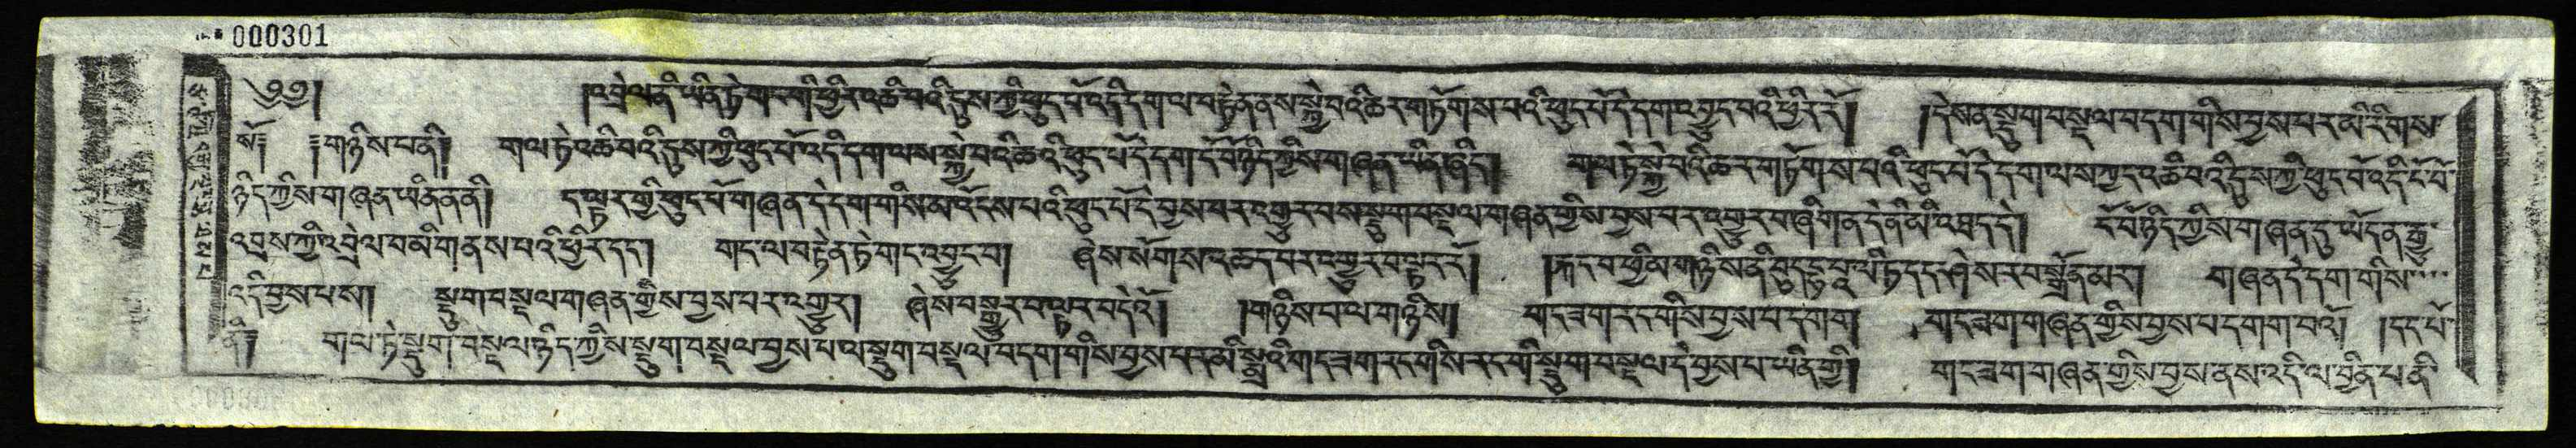༄༅། །འབྲེལ་ནི་ཡིན་ཏེ་གང་གི་ཕྱིར་འཆི་བའི་དུས་ཀྱི་ཕུང་པོ་འདི་དག་ལ་བརྟེན་ནས་སྐྱེ་བའི་ཆར་གཏོགས་པའི་ཕུང་པོ་དེ་དག་འབྱུང་བའི་ཕྱིར་རོ། །དེས་ན་སྡུག་བསྔལ་བདག་གིས་བྱས་པར་མི་རིགས་
སོ༑ ༑གཉིས་པ་ནི། གལ་ཏེ་འཆི་བའི་དུས་ཀྱི་ཕུང་པོ་འདི་དག་ལས་སྐྱེ་བའི་ཆའི་ཕུང་པོ་དེ་དག་ངོ་བོ་ཉིད་ཀྱིས་གཞན་ཡིན་ཞིང་། གལ་ཏེ་སྐྱེ་བའི་ཆར་གཏོགས་པའི་ཕུང་པོ་དེ་དག་ལས་ཀྱང་འཆི་བའི་དུས་ཀྱི་ཕུང་པོ་འདི་ངོ་བོ་
ཉིད་ཀྱིས་གཞན་ཡིན་ན་ནི། ད་ལྟར་གྱི་ཕུང་པོ་གཞན་དེ་དག་གིས་མ་འོངས་པའི་ཕུང་པོ་དེ་བྱས་བར་འགྱུར་བས་སྡུག་བསྔལ་གཞན་གྱིས་བྱས་པར་འགྱུར་བ་ཞིག་ན་དེ་ནི་མི་འཐད་དེ། ངོ་བོ་ཉིད་ཀྱིས་གཞན་དུ་ཡོད་ན་རྒྱུ་
འབྲས་ཀྱི་འབྲེལ་བ་མི་གནས་པའི་ཕྱིར་དང་། གང་ལ་བརྟེན་ཏེ་གང་འབྱུང་བ། ཞེས་སོགས་འཆད་པར་འགྱུར་བ་ལྟར་རོ། །རྐང་པ་ཕྱི་མ་གཉིས་ནི་བུད་དྷ་པཱ་ལི་ཏ་དང་ཤེས་རབ་སྒྲོན་མར། གཞན་དེ་དག་གིས་
འདི་བྱས་པས། སྡུག་བསྔལ་གཞན་གྱིས་བྱས་པར་འགྱུར། ཞེས་བསྒྱུར་བ་ལྟར་བ་དེའོ། །གཉིས་པ་ལ་གཉིས། གང་ཟག་རང་གིས་བྱས་པ་དགག །གང་ཟག་གཞན་གྱིས་བྱས་པ་དགག་པའོ། །དང་པོ་
ནི༑ གལ་ཏེ་སྡུག་བསྔལ་ཉིད་ཀྱིས་སྡུག་བསྔལ་བྱས་པ་ལ་སྡུག་བསྔལ་བདག་གིས་བྱས་པར་མི་སྨྲའི་གང་ཟག་རང་གིས་རང་གི་སྡུག་བསྔལ་དེ་བྱས་པ་ཡིན་གྱི། གང་ཟག་གཞན་གྱིས་བྱས་ནས་འདི་ལ་བྱིན་པ་ནི་